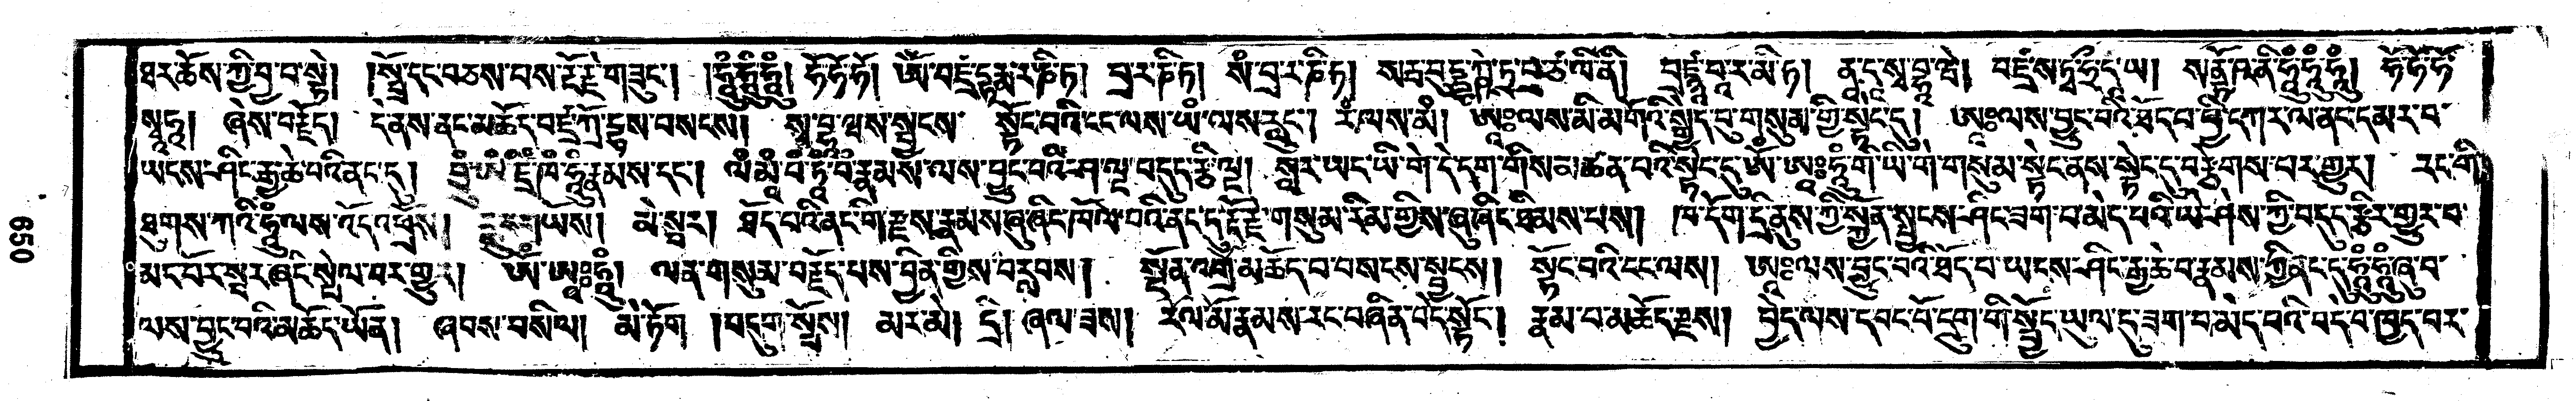ཐར་ཆོས་ཀྱི་བྱ་བ་སྟེ། །སྦྲོ་དང་བཅས་བས་རྡོ་རྗེ་གཟུང་། །ཧཱུཾ་ཧཱུཾ་ཧཱུཾ། ཧོ་ཧོ་ཧོ། ཨོཾ་བཛྲ་དྟྲྨ་ར་ཎྀ་ཏ། པྲ་ར་ཎི་ཏ། སཾ་བྲ་ར་ཎི་ཏ། སརྦ་བུདྡྲུ་ཀྵེ་ཏྲ་བ་ཙ་ལི་ནི། བྲཛྙཱ་བཱ་ར་མི་ཏ། ནཱ་དཱ་སྭ་བྷཱ་ཝེ། བཛྲ་ས་ཏྭ་ཧྲྀ་དཱ་ཡ། སནྟོ་ཥ་ནི་ཧཱུཾ་ཧཱུཾ་ཧཱུཾ། ཧོ་ཧོ་ཧོ་
སྭཱཧཱ། ཞེས་བརྗོད། དེ་ནས་ནང་མཆོད་བཛྲ་ཀྲོ་དྷས་བསངས། སྭ་བྷ་ཝས་སྦྱངས། སྟོང་བའི་ངང་ལས་ཡཾ་ལས་རླུང་། རཾ་ལས་མཾ། ཨཱཿལས་མི་མགོའི་སྒྱེད་བུ་གསུམ་གྱི་སྟེང་དུ། ཨཱཿལས་བྱུང་བའི་ཐོད་པ་བྱི་དཀར་ལ་ནང་དམར་བ་
ཡངས་ཤིང་རྒྱ་ཆེ་བའི་ནང་དུ། བྱུཾ་ཨཾ་ཛྲྀཾ་ཁཾ་ཧཱུཾ་རྣམས་དང་། ལམ་མཱཾ་བཾ་ཏཱཾ་བཾ་རྣམས་ལས་བྱུང་བའི་ཐ་ལྔ་བདུད་རྩི་ལྔ། སླར་ཡང་ཡི་གེ་དེ་དག་གིས་མཚན་བའི་སྟེང་དུ་ཨོཾ་ཨཱཿཧཱུཾ་གི་ཡི་གེ་གསུམ་སྟེང་ནས་སྟེང་དུ་བརྩེགས་པར་གྱུར། རང་གི་
ཐུགས་ཀའི་ཧཱུཾ་ལས་འོད་འཕྲོས། རླུང་གཡོས། མེ་སྦར། ཐོད་པའི་ནང་གི་རྫས་རྣམས་ཞུ་ཞིང་ཁོལ་བའི་ནང་དུ་རྡོ་རྗེ་གསུམ་རིམ་གྱིས་ཞུ་ཞིང་ཐིམས་པས། ཁ་དོག་དྲི་ནུས་ཀྱི་སྐྱོན་སྤྱངས་ཤིང་ཟག་བ་མེད་པའི་ཡེ་ཤེས་ཀྱི་བདུད་རྯི་རྒྱུར་བ་
མང་པོར་སྤར་ཞིང་སྤེལ་བར་གྱུར། ཨོཾ་ཨཱཿཧཱུཾ། ལན་གསུམ་བརྗོད་པས་བྱིང་ཡིས་བརླབས། སྔོན་འགྲོ་མཆོད་བ་བསངས་སྦྱངས། སྟོང་བའི་ངན་ལས། ཨཱཿལས་བྱུང་བའི་ཐོད་པ་ཡངས་ཤིང་རྒྱ་ཆེ་བ་རྣམས་ཀྱི་ནང་དུ་ཧཱུཾ་ཧཱུཾ་ཞུ་བ་
ལས་བྱུང་བའི་མཆོད་ཡོན། ཞབས་བསིལ། མེ་ཏོག །བདུག་སྤོས། མར་མེ། དྲི། ཞལ་ཟས། རོལ་མོ་རྣམས་རང་བཞིན་བདེ་སྟོང་། རྣམ་བ་མཆོད་རྫས། བྱེད་ལས་དབང་པོ་དྲུག་གི་སྦྱོད་ཡུལ་དུ་ཟག་བ་མེད་པའི་བདེ་བ་ཁྱད་བར་